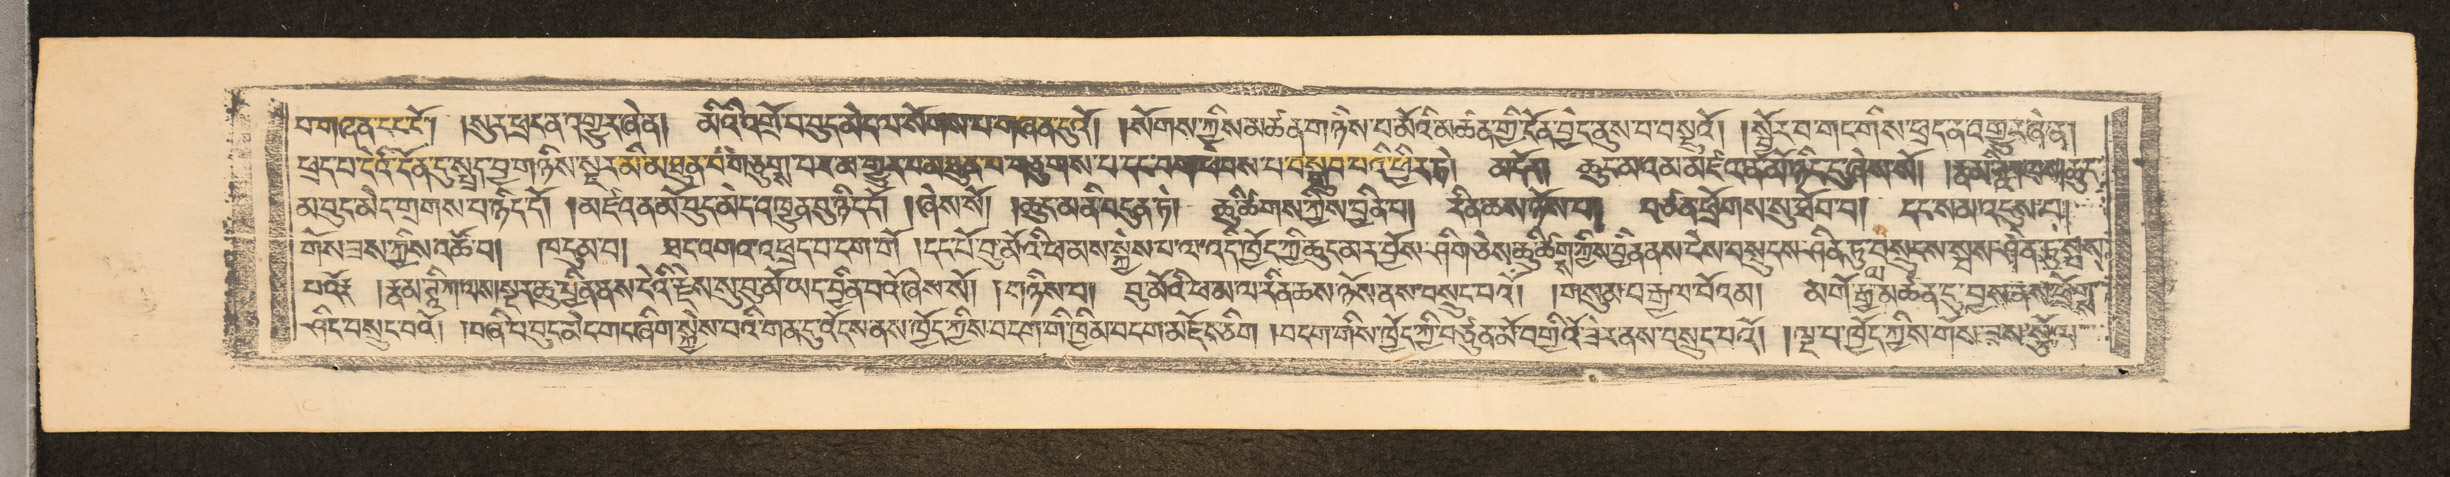པ་གཞན་དང་ངོ། །སུར་ཕྲད་ན་འགྱུར་ཞེ་ན། མིའི་འགྲོ་བ་བུད་མེད་ལ་སོགས་པ་གཞན་དུའོ། །སོགས་ཀྱིས་མཚན་གཉིས་པ་མོའི་མཚན་གྱི་དོན་བྱེད་ནུས་པ་བསྡུའོ། །སྦྱོར་བ་གང་གིས་ཕྲད་ན་འགྱུར་ཞེ་ན།
ཕྲད་པ་དེའི་དོན་དུ་སྤྲད་བྱ་གཉིས་སྔར་མི་མཐུན་པ་གཅུགས་པར་མ་གྱུར་པ་མཐུན་པ་གཅུགས་པ་དང་བག་ཕེབས་པ་བསྒྲུབ་པའི་ཕྱིར་ཏེ། མདོར། ཆུང་མ་འམ་མཛའ་ན་མོ་ཉིད་དུ་ཞེས་སོ། །རྣམ་ཊཱིཀ་ལས། ཆུང་
མ་བུད་མེད་གྲགས་པ་ཉིད་དོ། །མཛའ་ན་མོ་བུད་མེད་འཁྱུན་བུ་ཉིད་དོ། །ཞེས་སོ། །ཆུང་མ་ནི་བདུན་ཏེ། ཆུ་ཚིགས་ཀྱིས་བྱིན་པ། རིན་ཆས་ཉོས་པ། བཙན་ཕྲོགས་སུ་ཐོབ་པ། དང་སམ་འདུས་པ།
གོས་ཟས་ཀྱིས་འཚོ་བ། ཁ་དུམ་པ། ཐང་འགའ་འཕྲད་པ་དག་གོ །དང་པོ་བུ་མོའི་ཕ་མས་སྐྱེས་པ་ལ་འདི་ཁྱོད་ཀྱི་ཆུང་མར་བྱོས་ཤིག་ཅེས་ཆུ་ཚིག་ཀྱིས་བྱིན་ནས་དེས་བསྲུངས་ཤིན་ཏུ་བསྲུངས་སྦས་ཤིན་ཏུ་སྦས་
པའོ༑ །རྣམ་ཊཱིཀ་ལས། སྔར་ཆུ་བྱིན་ནས་དེའི་རྗེས་སུ་བུ་མོ་ཡང་བྱིན་བའོ་ཞེས་སོ། །གཉིས་པ། བུ་མོའི་ཕ་མ་ལ་རིན་ཆས་ཉོས་ནས་བསྲུང་བའོ། །གསུམ་པ་རྒྱལ་པོའམ། མགོ་རྒྱ་མཚན་དུ་བྱས་ནས་ཕྲོགས་
ཤིང་བསྲུང་བའོ། །བཞི་པ་བུད་མེད་གང་ཞིག་སྐྱེས་པའི་གན་དུ་འོངས་ནས་ཁྱོད་ཀྱིས་བདག་གི་ཁྱིམ་བདག་མཛོད་ཅིག །བདག་གིས་ཁྱོད་ཀྱི་བཙུན་མོ་བགྱིའོ་ཟེར་ནས་བསྲུང་བའོ། །ལྔ་པ་ཁྱོད་ཀྱིས་གོས་ཟས་སྩོལ་